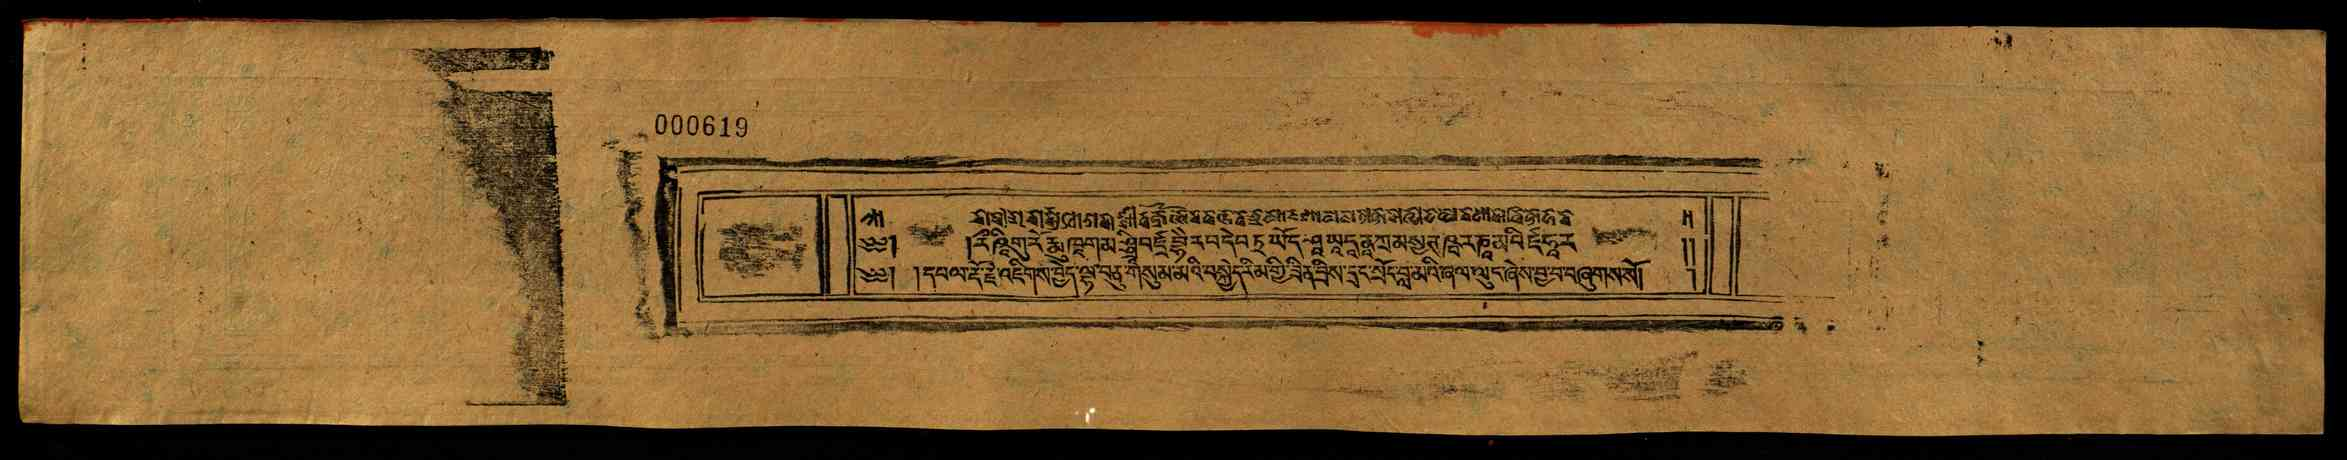ལས
༄༅། །རྀ་ཥྭི་གུ་ར་སྨུ་ཁཱ་སམ་ཤྴའ་བྫྲ་དྷེ་རབ་དབ་ཏྲ་ཡོད་ཤཱ་ཡཱ་དཱ་ནཱ་ཀྲམ་སྱ་ཊ་ཥྤར་ཎཱ་མ་བཛྲ་ཧཱ་ར་།།
༄༅། །དཔལ་རྡོ་རྗེ་འཇིགས་བྱེད་ལྷ་བཅུ་གསུམ་མའི་བསྐྱེད་རིམ་གྱི་ཟིན་བྲིས་དྲང་སྲོང་བླ་མའི་ཞལ་ལུང་ཞེས་བྱ་བ་བཞུགས་སོ། །